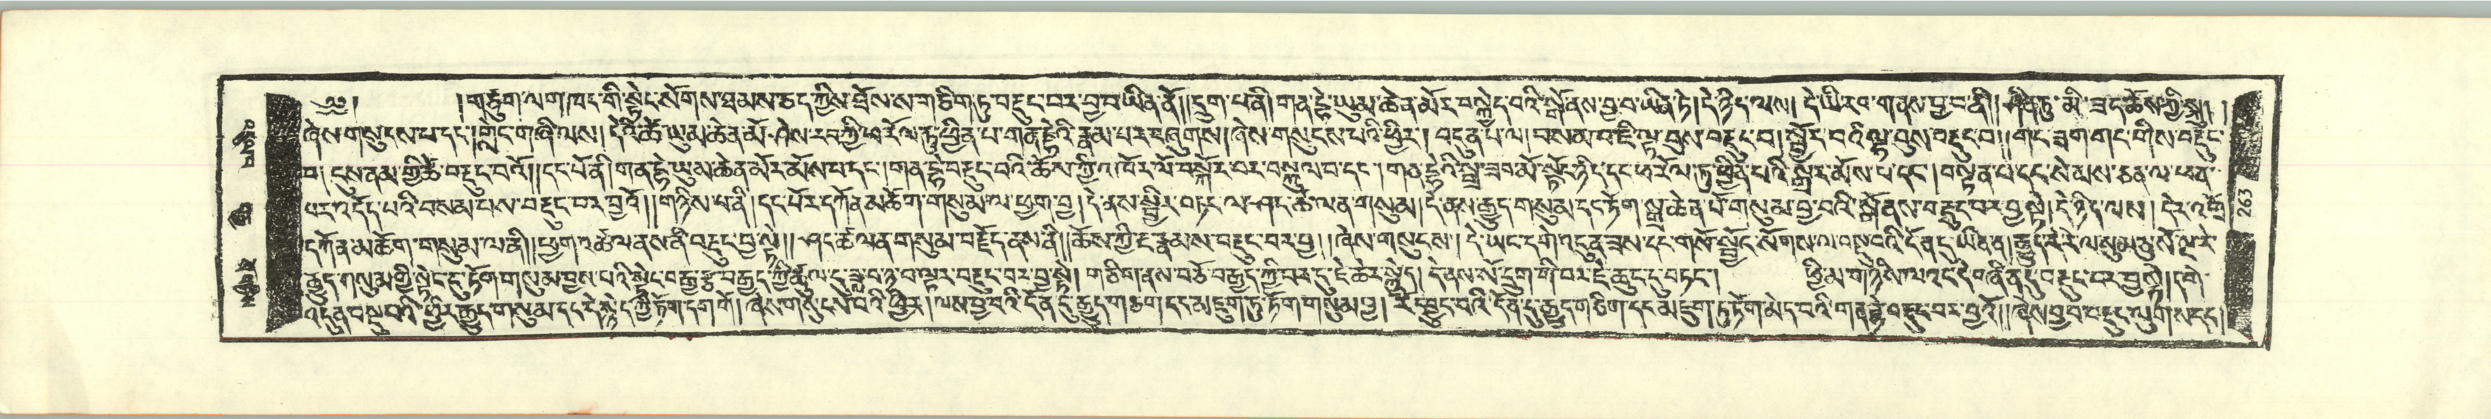༄༅། །གཙུག་ལག་ཁང་གི་སྟེང་སོགས་ཐམས་ཅད་ཀྱིས་ཐོས་ས་གཅིག་ཏུ་བརྡུང་བར་བྱ་བ་ཡིན་ནོ། །དྲུག་པ་ནི། གན་དྷེ་ཡུམ་ཆེན་མོར་བསྐྱེད་པའི་སྒོ་ནས་བྱ་བ་ཡིན་ཏེ། དེ་ཉིད་ལས། དེ་ཡི་རབ་གནས་བྱ་བ་ནི། །ཤིན་ཏུ་མི་ཟད་ཆོས་ཀྱི་སྐུ། །
ཞེས་གསུངས་པ་དང་། གླེང་གཞི་ལས། དེའི་ཚེ་ཡུམ་ཆེན་མོ་ཤེས་རབ་ཀྱི་ཕ་རོལ་ཏུ་ཕྱིན་པ་གན་དྷེའི་རྣམ་པར་བཞུགས། ཞེས་གསུངས་པའི་ཕྱིར། བདུན་པ་ལ། བསམ་པ་ཇི་ལྟ་བུས་བརྡུང་བ། སྦྱོར་བའི་ལྟ་བུས་བརྡུང་བ། །གང་ཟག་གང་གིས་བརྡུང་
བ༑ དུས་ནམ་གྱི་ཚེ་བརྡུང་བའོ། །དང་པོ་ནི། གན་དྷེ་ཡུམ་ཆེན་མོར་མོས་པ་དང་། གན་དྷེ་བརྡུང་བའི་ཆོས་ཀྱི་འཁོར་ལོ་བསྐོར་བར་བསྐུལ་བ་དང་། གན་དྷེའི་སྒྲ་ཟབ་མོ་སྟོང་ཉིད་དང་ཕ་རོལ་ཏུ་ཕྱིན་པའི་སྒྲར་མོས་པ་དང་། བསྟན་པ་དང་སེམས་ཅན་ལ་ཕན་
པར་འདོད་པའི་བསམ་པས་བརྡུང་བར་བྱའོ། །གཉིས་པ་ནི། དང་པོར་དཀོན་མཆོག་གསུམ་ལ་ཕྱག་བྱ། དེ་ནས་སྤྱིར་བཏང་ལ་ཤང་ཚ་ལན་གསུམ། དེ་ནས་རྒྱུད་གསུམ་དང་ཏོག་སྒྲ་ཆེན་པོ་གསུམ་བྱ་བའི་སྒོ་ནས་བརྡུང་བར་བྱ་སྟེ། དེ་ཉིད་ལས། དེར་འགྲོ་
དཀོན་མཆོག་གསུམ་ལ་ནི། །ཕྱག་འཚལ་ནས་ནི་བརྡུང་བྱ་སྟེ། །ཤང་ཚ་ལན་གསུམ་བརྗུད་ནས་ནི། །ཆོས་ཀྱི་རྔ་རྣམས་བརྡུང་བར་བྱ། །ཞེས་གསུངས། དེ་ཡང་དགེ་འདུན་ཟས་དང་གསོ་སྦྱོང་སོགས་ལ་བསྡུ་བའི་དོན་དུ་ཡིན་ན། རྒྱུད་རེ་རེ་ལ་སུམ་ཅུ་སོ་ལྔ་རེ་
རྒྱུད་གསུམ་གྱི་སྟེང་དུ་ཏོག་གསུམ་བྱས་པའི་སྟེང་བརྒྱ་རྩ་བརྒྱད་ཀྱི་ཚུལ་དུ་ཟླ་བ་ཉ་བ་ལྟར་བརྡུང་བར་བྱ་སྟེ། གཅིག་ནས་བཅོ་བརྒྱད་ཀྱི་བར་དུ་ཇེ་ཆེར་སྐྱེད། དེ་ནས་སོ་དྲུག་གི་བར་ཇེ་ཆུང་དུ་བཏང་། ཕྱི་མ་གཉིས་ལའང་དེ་བཞིན་དུ་བརྡུང་བར་བྱ་སྟེ། དགེ་
འདུན་བསྡུ་བའི་ཕྱིར་རྒྱུད་གསུམ་དང་དེ་སྙེད་ཀྱི་ཏོག་དག་གོ། །ཞེས་གསུངས་པའི་ཕྱིར། ལས་བྱ་བའི་དོན་དུ་རྒྱུད་གཅག་དང་མཇུག་ཏུ་ཏོག་གསུམ་བྱ། རོ་དབྱུང་བའི་དོན་དུ་རྒྱུད་གཅིག་དང་མཇུག་ཏུ་ཏོག་མེད་པའི་གན་དྷེ་བརྡུང་བར་བྱའོ། །ཞེས་བྱ་བ་བརྡུང་ལུགས་དང་།